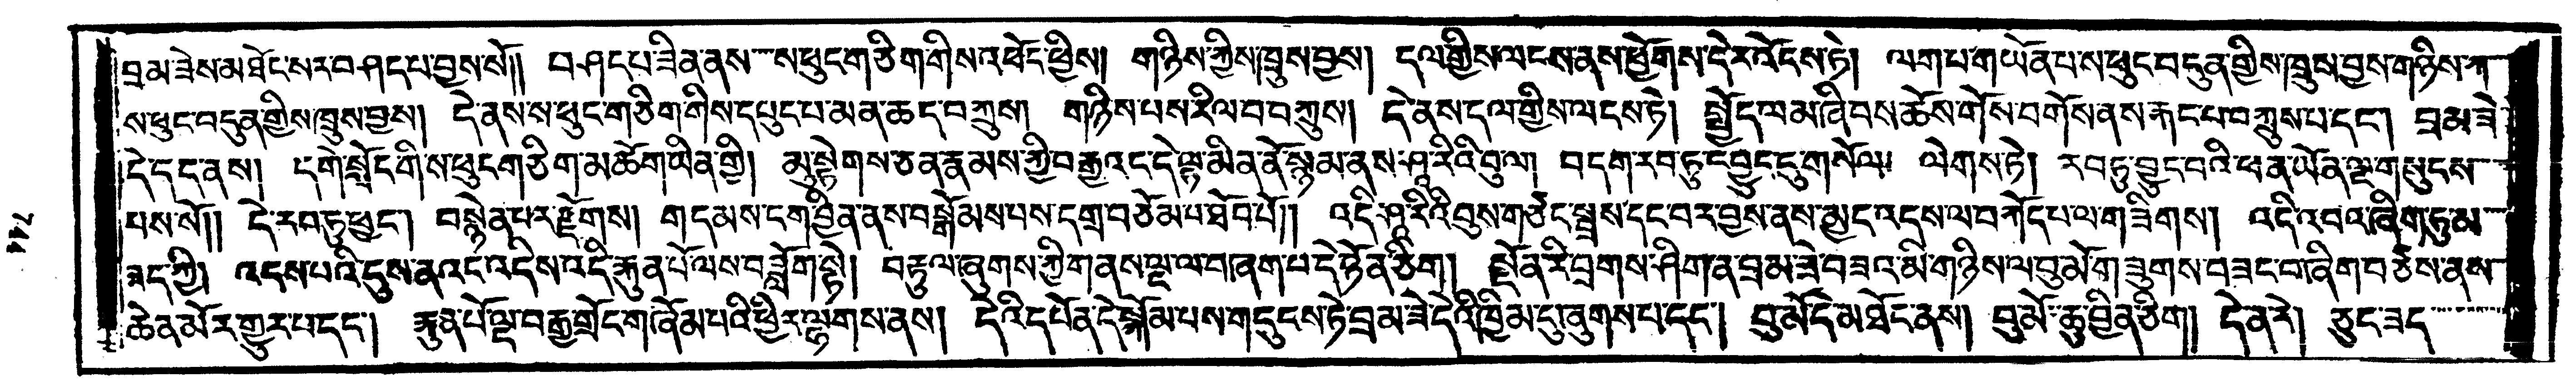བྲམ་ཟེས་མཐོང་སར་བཤད་པ་བྱས་སོ།། བཤད་པ་ཟིན་ནས་ས་ཕུང་གཅིག་གིས་འཕོང་ཕྱིས། གཉིས་ཀྱིས་ཁྲུས་བྱས། དལ་གྱིས་ལངས་ནས་ཕྱོགས་དེར་འོངས་ཏེ། ལག་པ་གཡོན་པ་ས་ཕུང་བདུན་གྱིས་ཁྲུས་བྱས་གཉིས་ཀ་
ས་ཕུང་བདུན་གྱིས་ཁྲུས་བྱས། དེ་ནས་ས་ཕུང་གཅིག་གིས་དཔུང་པ་མན་ཆད་བཀྲུས། གཉིས་པས་རིལ་བ་བཀྲུས། དེ་ནས་དལ་གྱིས་ལངས་ཏེ། སྤྱོད་ལམ་ཞི་བས་ཆོས་གོས་བགོས་ནས་རྐང་པ་བཀྲུས་པ་དང་། བྲམ་ཟེ་
དེ་དད་ནས། དགེ་སློང་གི་ས་ཕུང་གཅིག་མཆོག་ཡིན་གྱི། མུ་སྟེགས་ཅན་རྣམས་ཀྱི་བརྒྱའང་དེ་ལྟ་མིན་ནོ་སྙམ་ནས་ཤཱ་རིའི་བུ་ལ། བདག་རབ་ཏུ་དབྱུང་དུ་གསོལ། ལེགས་ཏེ། རབ་ཏུ་བྱུང་བའི་ཕན་ཡོན་ལྔ་གསུངས་
པས་སོ།། དེ་རབ་ཏུ་ཕྱང་། བསྙེན་པར་རྫོགས། གདམས་ངག་བྱིན་ནས་བསྒོམས་པས་དགྲ་བཅོམ་པ་ཐོབ་པོ།། འདི་ཤཱ་རིའི་བུས་གཙང་སྦྲས་དང་བར་བྱས་ནས་མྱང་འདས་ལ་བཀོད་པ་ལ་གཟིགས། འདི་འབའ་ཞིག་ཏུ་མ་
ཟད་ཀྱི། འདས་པའི་དུས་ནའང་འདིས་འདི་རྐུན་པོ་ལས་བཟློག་སྟེ། བརྟུལ་ཞུགས་ཀྱི་གནས་ལྔ་ལ་བཞག་པ་དེ་ཉོན་ཅིག། སྔོན་རི་བྲགས་ཤིག་ན་བྲམ་ཟེ་བཟའ་མི་གཉིས་ལ་བུ་མོ་གཟུགས་བཟང་བ་ཞིག་བཙས་ནས་
ཆེན་མོར་གྱུར་པ་དང་། རྐུན་པོ་ལྔ་བརྒྱ་གྲོང་གཞོམ་པའི་ཕྱིར་ལྷགས་ནས། དེའི་དཔོན་དེ་སྐོམ་པས་གདུངས་ཏེ་བྲམ་ཟེ་དེའི་ཁྱིམ་དུ་ཞུགས་པ་དང་། བུ་མོ་དེ་མཐོང་ནས། བུ་མོ༑ ཆུ་བྱིན་ཅིག། དེ་ན་རེ། ཅུང་ཟད་